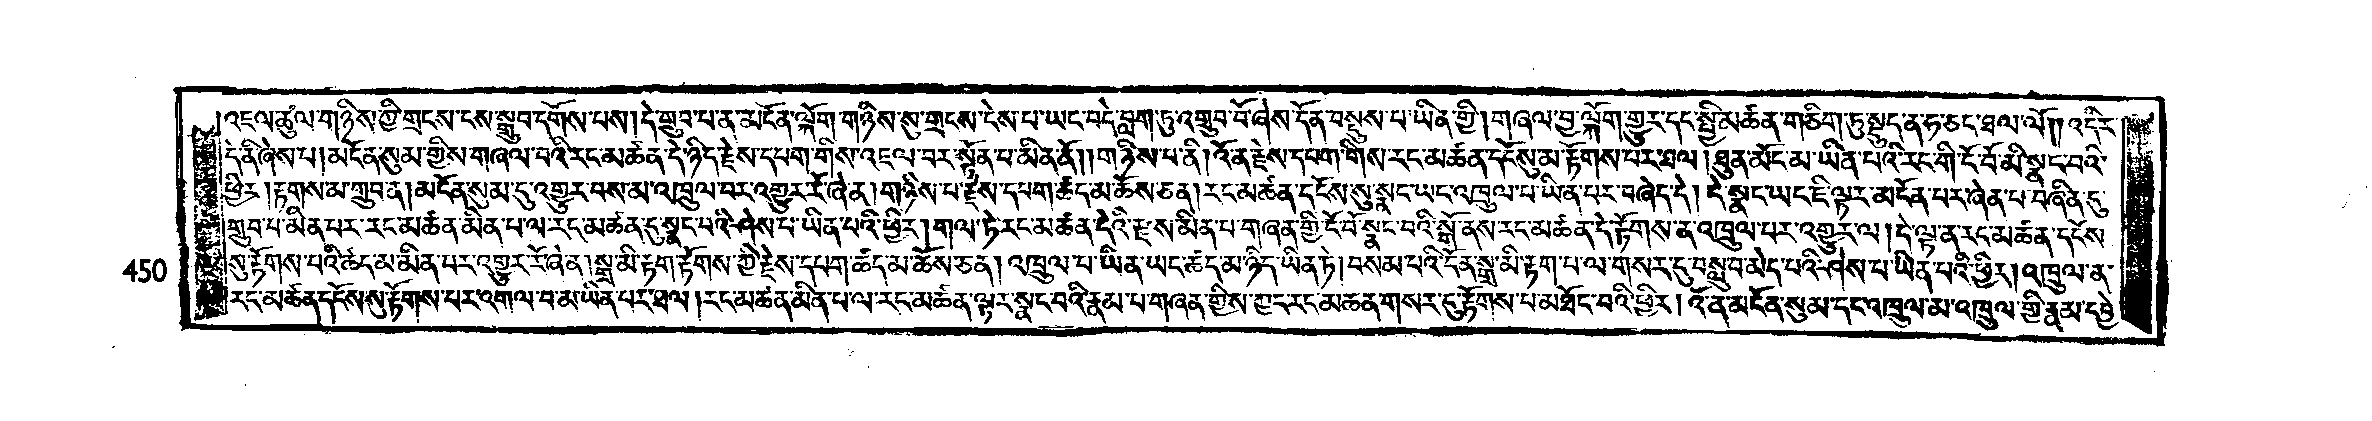འཇལ་ཚུལ་གཉིས་ཀྱི་གྲངས་ངེས་སྒྲུབ་དགོས་པས། དེ་གྲུབ་པ་ན་མངོན་ལྐོག་གཉིས་སུ་གྲངས་ངེས་པ་ཡང་བདེ་བླག་ཏུ་འགྲུབ་བོ་ཞེས་དོན་བསྡུས་པ་ཡིན་གྱི། གཞལ་བྱ་ལྐོག་གྱུར་དང་སྤྱི་མཚན་གཅིག་ཏུ་སྡུད་ན་ཧ་ཅང་ཐལ་ལོ། །འདིར་
དེ་ནི་ཞེས་པ། མངོན་སུམ་གྱིས་གཞལ་བའི་རང་མཚན་དེ་ཉིད་རྗེས་དཔག་གིས་འཇལ་བར་སྟོན་པ་མིན་ནོ། །གཉིས་པ་ནི། འོ་ན་རྗེས་དཔག་གིས་རང་མཚན་དངོས་སུ་མ་རྟོགས་པར་ཐལ། ཐུན་མོང་མ་ཡིན་པའི་རང་གི་ངོ་བོ་མི་སྣང་བའི་
ཕྱིར། རྟགས་མ་གྲུབ་ན། མངོན་སུམ་དུ་འགྱུར་བས་མ་འཁྲུལ་བར་འགྱུར་རོ་ཞེ་ན། གཉིས་པ་རྗེས་དཔག་ཚད་མ་ཆོས་ཅན། རང་མཚན་དངོས་སུ་སྣང་ཡང་འཁྲུལ་པ་ཡིན་པར་བཞེད་དེ། དེ་སྣང་ཡང་ཇི་ལྟར་མངོན་པར་ཞེན་པ་བཞིན་དུ་
གྲུབ་པ་མིན་པར་རང་མཚན་མིན་པ་ལ་རང་མཚན་དུ་སྣང་བའི་ཤེས་པ་ཡིན་པའི་ཕྱིར། གལ་ཏེ་རང་མཚན་དེའི་རྫས་མིན་པ་གཞན་གྱི་ངོ་བོ་སྣང་བའི་སྒོ་ནས་རང་མཚན་དེ་རྟོགས་ན་འཁྲུལ་པར་འགྱུར་ལ། དེ་ལྟ་ན་རང་མཚན་དངོས་
སུ་རྟོགས་པའི་ཚད་མ་མིན་པར་འགྱུར་རོ་ཞེ་ན། སྒྲ་མི་རྟག་རྟོགས་ཀྱི་རྗེས་དཔག་ཚད་མ་ཆོས་ཅན། འཁྲུལ་པ་ཡིན་ཡང་ཚད་མ་ཉིད་ཡིན་ཏེ། བསམ་པའི་དོན་སྒྲ་མི་རྟག་པ་ལ་གསར་དུ་བསླུ་བ་མེད་པའི་ཤེས་པ་ཡིན་པའི་ཕྱིར། འཁྲུལ་ན་
རང་མཚན་དངོས་སུ་རྟོགས་པར་འགལ་བ་མ་ཡིན་པར་ཐལ། རང་མཚན་མིན་པ་ལ་རང་མཚན་ལྟར་སྣང་བའི་རྣམ་པ་གཞན་གྱིས་ཀྱང་རང་མཚན་གསར་དུ་རྟོགས་པ་མཐོང་བའི་ཕྱིར། འོ་ན་མངོན་སུམ་དང་འཁྲུལ་མ་འཁྲུལ་གྱི་རྣམ་དབྱེ་